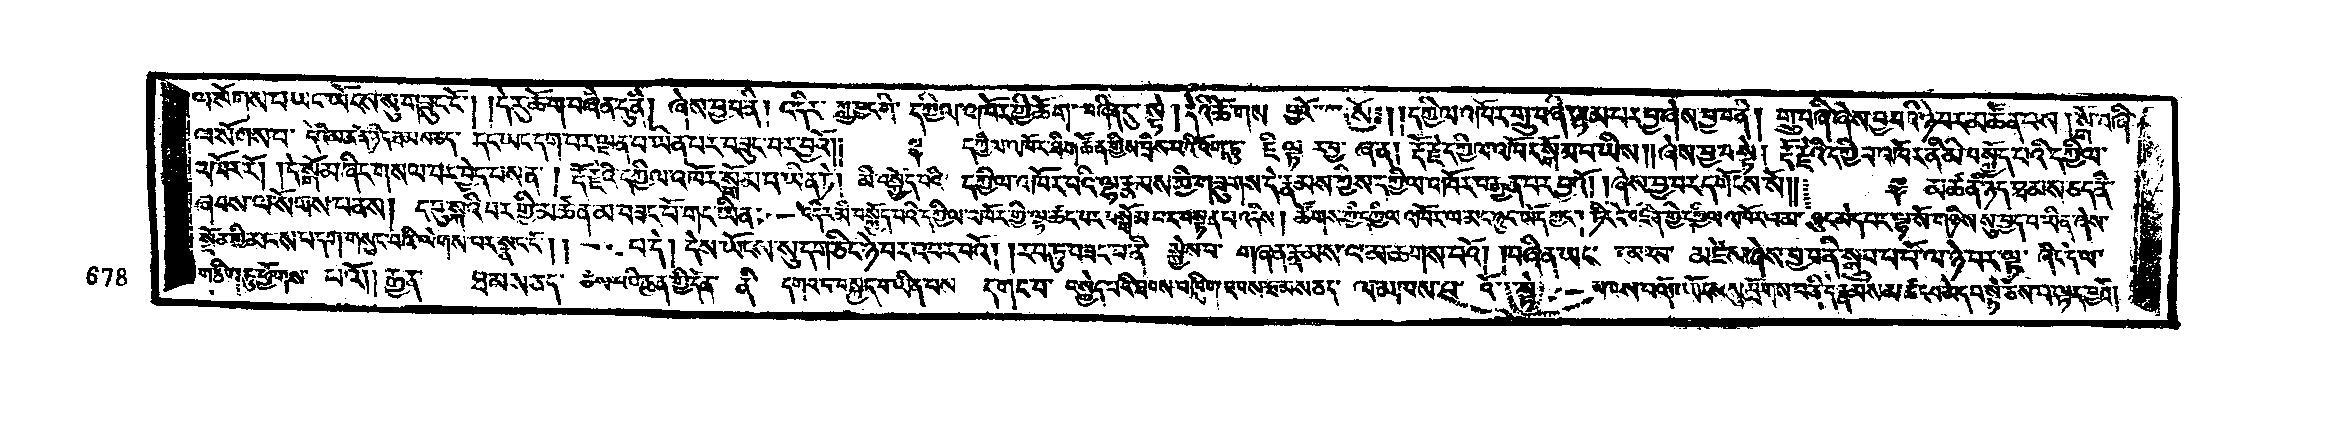ལ་སོགས་པ་ཡང་ཡོངས་སུ་གཟུང་ངོ། །དེ་རུ་ཆོ་ག་བཞེན་དུ་ནི། ཞེས་བྱ་བ་ནི། འདིར་ཀླུ་བྱང་གི་དཀྱིལ་འཁོར་གྱི་ཆོག་བཞིན་དུ་སྟེ། དེའི་ཆོ་གས་བྱའོ་སོ། །དཀྱིལ་འཁོར་གྲུ་བཞི་ལྷམ་པར་བྱ་ཞེས་བྱ་བ་ནི། གྲུ་བཞི་ཞེས་བྱ་བའི་ཉེ་བར་མཚོན་པས་སྒོ་བཞི་
ལ་སོགས་པ་དེའི་མཚན་ཉིད་ཐམས་ཅད་དང་ཡང་དག་པར་ལྡན་པ་ཡིན་པར་བཟུང་བར་བྱའོ།། ༈ དཀྱིལ་འཁོར་ཐིག་ཚོན་གྱིས་བྲིས་པའི་འོག་ཏུ་ཇི་ལྟར་བྱ་ཞེ་ན། རྡོ་རྗེ་དཀྱིལ་འཁོར་བསྒོམ་པ་ཡིས། །ཞེས་བྱ་བ་སྟེ། རྡོ་རྗེའི་དཀྱིལ་འཁོར་ནི་མི་བསྐྱོད་པའི་དཀྱིལ་
འཁོར་རོ། །དེ་སྒོམ་ཞིང་གསལ་བར་བྱེད་པས་ན། རྡོ་རྗེའི་དཀྱིལ་འཁོར་སྒོམ་པ་ཡིན་ཏེ། མི་བསྐྱོད་པའི་དཀྱིལ་འཁོར་པའི་ལྷ་རྣམས་ཀྱི་གཟུགས་དེ་རྣམས་ཀྱིས་དཀྱིལ་འཁོར་བརྒྱན་པར་བྱའོ། །ཞེས་བྱ་བར་དགོངས་སོ།། ༈ མཚན་ཉིད་ཐམས་ཅད་ནི་
ཞབས་ལ་སོགས་པ་ནས། དབུ་སྐྲའི་བར་གྱི་མཚན་མ་བཟང་པོ་གང་ཡིན་H.་འདིར་མི་བསྐྱོད་པའི་དཀྱིལ་འཁོར་གྱི་ལྷ་ཚང་བར་བསྒོམ་པར་བསྟན་པ་འདིས། ཚོགས་ཀྱི་དཀྱིལ་འཁོར་ལ་མང་ཉུང་ཡོད་ཀྱང་། ཏིང་ངེ་འཛིན་གྱི་དཀྱིལ་འཁོར་ལ་མང་ཉུང་མེད་པར་ལྷ་སོ་གཉིས་སུ་བྱད་པ་ཡིན་ཞེས་
སྔོན་གྱི་མཁས་པ་དག་གསུང་བ་ནི་ལེགས་པར་སྣང་ངོ།། .H པ་དེ། དེས་ཡོངས་སུ་དག་ཅིང་ཉེ་བར་འབར་བའོ། །རབ་ཏུ་བཟང་བ་ནི། སྐྱེས་པ་གཞན་རྣམས་ལ་མ་ཆགས་པའོ། །བཞིན་ཡང་དམ་རང་མཛེས་ཞེས་བྱ་བ་ནི་སྒྲུབ་པ་པོ་ལ་ཉེ་བར་ལྟ་ཞིང་དེ་ལ་
གཅིག་ཏུ་ཕྱོགས་པའོ། །རྒྱན་རྣམས་ཐམས་ཅད་ཅེས་པའི་རྒྱན་གྱི་དོན་ནི་དགའ་བ་སྐྱེད་པ་ཡིན་པས་དགའ་བ་བསྐྱེད་པའི་ཐབས་འཁྲིག་ཐབས་ཐམས་ཅད་ལ་མཁས་པའོ་སྟེཿ་མཁས་པའོ། ཡོངས་སུ་རྫོགས་པ་ནི་དེ་རྣམས་མ་ཚང་བ་མེད་བསྟེ་ཅེས་པ་ལྟར་བྱའོ།